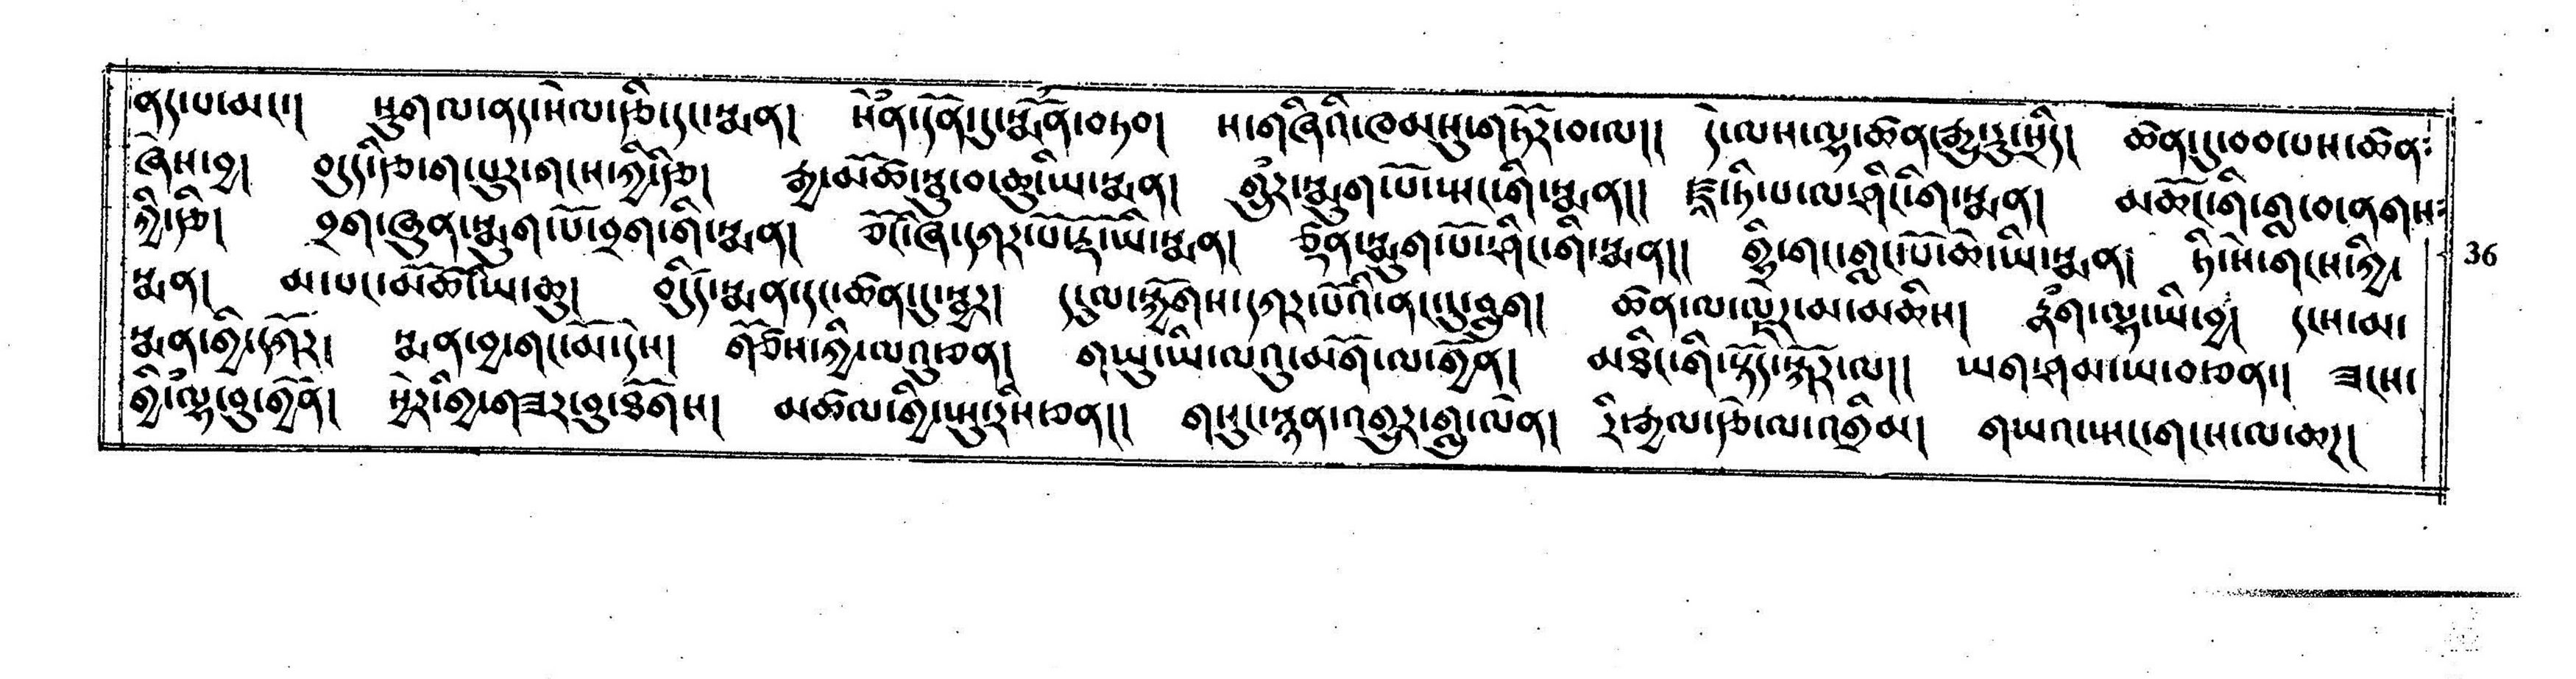ནད་པ་མང་། སྡུག་བསྔལ་ནད་སེལ་རྩི་དང་སྨན། སེམས་ཅན་དོན་དུ་སྨོན་ལམ་བཏབ། ས་གཞིའི་ཁམས་སུ་གཏོར་བ་ལ།། དེ་ལས་ལྷ་ཚན་རྒྱུ་རུ་སྲིད། ཚན་དུ་བབ་པས་ཚན་
ཞེས་བྱ། བདུད་རྩི་ག་པུར་གངས་ཀྱི་རྩི། རྒྱ་མཚོ་སྦུ་བ་ཆུ་ཡི་སྨན། གུར་གུམ་སྨུག་པོ་སྤང་གི་སྨན།། ཛཱ་ཏི་པ་ལ་ཤིང་གི་སྨན། མཆོང་གི་གླ་བ་ནགས་
ཀྱི་རྩི། བྲག་ཞུན་སྨུག་པོ་བྲག་གི་སྨན། ཅོང་ཞི་དཀར་པོ་རྡོ་ཡི་སྨན། ཙྡན་སྨུག་པོ་ཤིང་གི་སྨན།། གྷྲི་གང་གླང་པོ་ཆེ་ཡི་སྨན། ཏི་སེ་གངས་ཀྱི་
སྨན། མ་པང་མཚོ་ཡི་ཆུ། བདུད་རྩི་སྨན་དང་ཚན་དུ་སྦྱར། དངུལ་སྐྱོགས་དཀར་པོའི་ནང་དུ་བླུག །ཚན་ལ་ལྗགས་མ་མཆིས། རྣམ་དག་ལྷ་ཡི་བྱ། དངས་མ་
སྨན་གྱི་དཀོར། སྨན་བྱ་གང་མོ་དེས། གཙོས་ཀྱི་ལའུ་ཅན། གཡུ་ཡི་ལའུ་མགོ་ལ་གྱོན། མཐིང་གི་སྟོད་སྐོར་ལ།། ཡག་ཤམ་ཡ་བ་ཅན། ཟངས་
ཀྱི་ལྷ་མ་བུ་གྱོན། གསེར་གྱི་གཟར་བུ་ཐོགས། མཚལ་གྱི་སྤུ་རིས་ཅན།། གསུང་སྙན་འགྱུར་གླུ་ལེན། རི་རྒྱལ་རྩེ་ལ་འགྲིམ། གཡའ་སྤང་གངས་ལ་ཆགས།